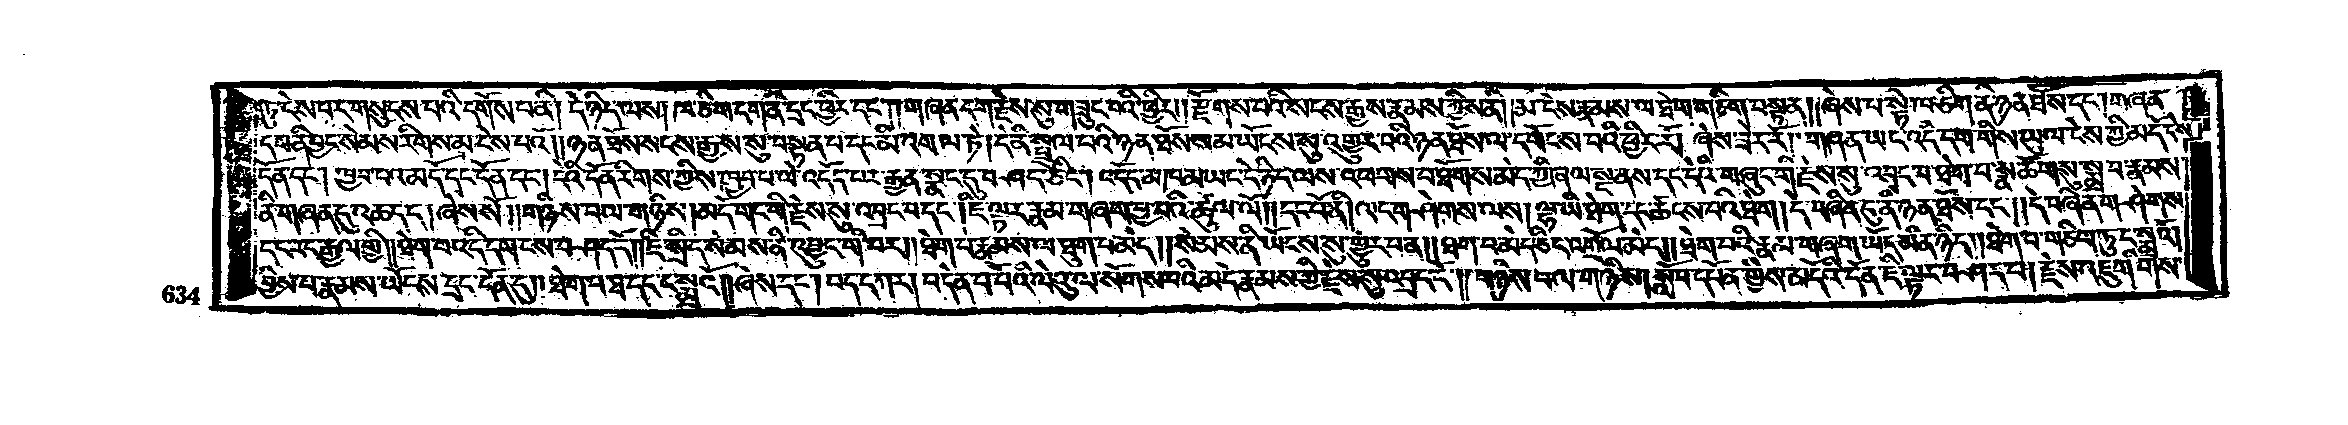ཏུ་ངེས་པར་གསུངས་པའི་དགོས་པ་ནི། དེ་ཉིད་ལས། ཁ་ཅིག་དག་ནི་དྲང་ཕྱིར་དང་། །གཞན་དག་རྗེས་སུ་གཟུང་བའི་ཕྱིར། །རྫོགས་པའི་སངས་རྒྱས་རྣམས་ཀྱིས་ནི། །མ་ངེས་རྣམས་ལ་ཐེག་གཅིག་བསྟན། །ཞེས་པ་སྟེ་ཁ་ཅིག་ནི་ཉན་ཐོས་དང་། གཞན་
དག་ནི་བྱང་སེམས་རིགས་མ་ངེས་པའོ། །ཉན་ཐོས་སངས་རྒྱས་སུ་བསྟན་པ་དང་མི་འགལ་ཏེ། དེ་ནི་སྤྲུལ་པའི་ཉན་ཐོས་སམ་ཡོངས་སུ་འགྱུར་བའི་ཉན་ཐོས་ལ་དགོངས་པའི་ཕྱིར་རོ། །ཞེས་ཟེར་རོ། །གཞན་ཡང་འདི་དག་གིས་ཡུལ་ངེས་ཀྱི་མདོ་ངེས་
དོན་དང་། ཁྱབ་པའི་མདོ་དང་དོན་དང་། དེའི་དོན་རིགས་ཀྱིས་ཁྱབ་པ་ལ་འདོད་པར་རྒྱན་སྣང་དུ་བཤད་ཅིང་། འདོད་མཁན་ཡང་དེ་ཉིད་ལས་འཕགས་པ་ཐོགས་མེད་ཀྱི་ཞལ་སྔ་ནས་དང་དེའི་གཞུང་གི་རྗེས་སུ་འབྲང་བ་ཐེག་པ་སྣ་ཚོགས་སུ་སྨྲ་བ་རྣམས་
ནི་གཞན་དུ་འཆད་དེ། ཞེས་སོ། །གཉིས་པ་ལ་གཉིས། མདོ་གང་གི་རྗེས་སུ་འབྲང་བ་དང་། ཇི་ལྟར་རྣམ་གཞག་བྱ་བའི་ཚུལ་ལོ། །དང་པོ་ནི། ལང་གཤེགས་ལས། ལྷ་ཡི་ཐེག་དང་ཚངས་པའི་ཐེག །དེ་བཞིན་དུ་ནི་ཉན་ཐོས་དང་། །དེ་བཞིན་གཤེགས་
དང་རང་རྒྱལ་གྱི། །ཐེག་པ་འདི་དག་ངེས་བཤད་དོ། །ཇི་སྲིད་སེམས་ནི་འབྱུང་གི་བར། །ཐེག་པ་རྣམས་ལ་ཐུག་པ་མེད། །སེམས་ནི་ཡོངས་སུ་གྱུར་པ་ན། །ཐེག་པ་མེད་ཅིང་འགྲོ་བ་མེད། །ཐེག་པའི་རྣམ་གཞག་ཡོད་མིན་ཉིད། །ཐེག་པ་གཅིག་ཏུ་ང་སྨྲའོ།
བྱིམ་པ་རྣམས་ཡོངས་དྲང་དོན་དུ། །ཐེག་པ་ཐ་དད་སྨྲའོ། །ཞེས་དང་། པད་དཀར། བདེན་པ་པོའི་ལེའུ་ལ་སོགས་པའི་མདོ་རྣམས་ཀྱི་རྗེས་སུ་འབྲང་ངོ། །གཉིས་པ་ལ་གཉིས། སློབ་དཔོན་གྱིས་མདོའི་དོན་ཇི་ལྟར་བཤད་པ། རྗེས་འཇུག་གིས་